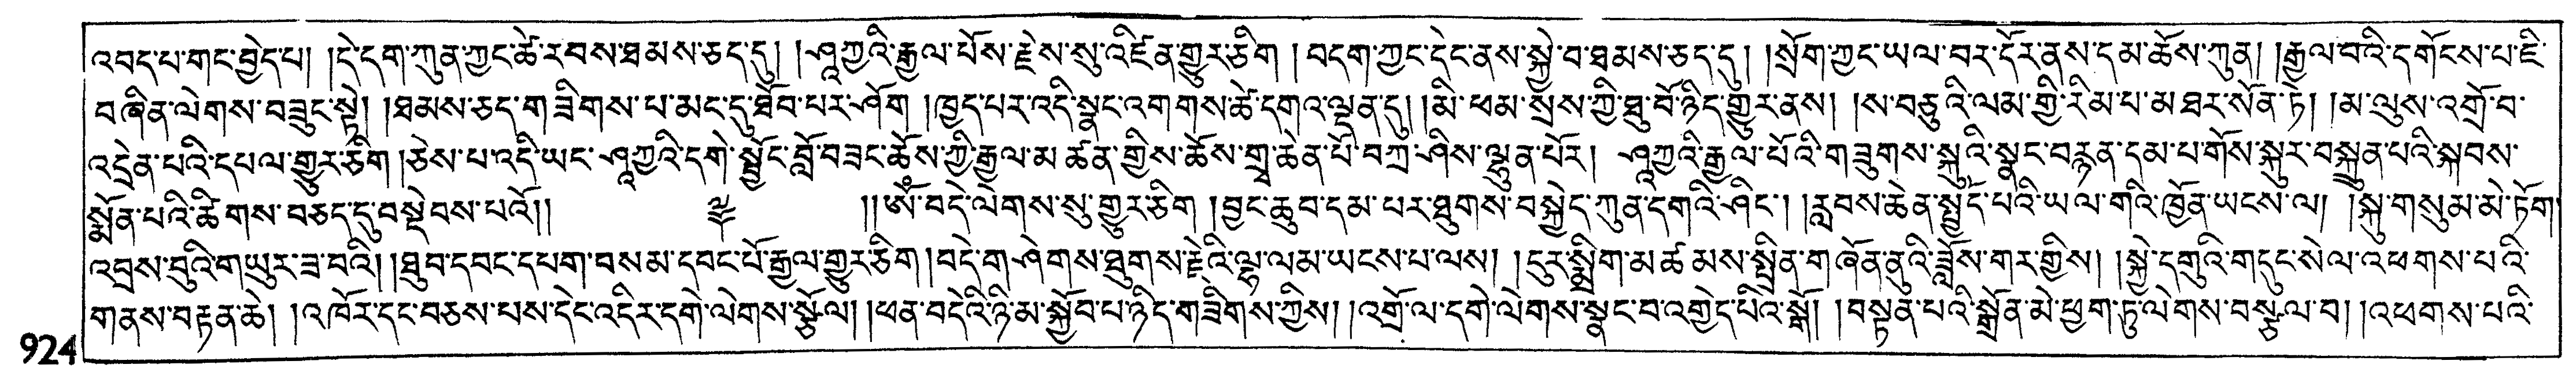འབད་པ་གང་བྱེད་པ། །དེ་དག་ཀུན་ཀྱང་ཚེ་རབས་ཐམས་ཅད་དུ། །ཤཱཀྱའི་རྒྱལ་པོས་རྗེས་སུ་འཛིན་གྱུར་ཅིག །བདག་ཀྱང་དེང་ནས་སྐྱེ་བ་ཐམས་ཅད་དུ། །སྲོག་ཀྱང་ཡལ་བར་དོར་ནས་དམ་ཆོས་ཀུན། །རྒྱལ་བའི་དགོངས་པ་ཇི་
བཞིན་ལེགས་བཟུང་སྟེ། །ཐམས་ཅད་གཟིགས་པ་མང་དུ་ཐོབ་པར་ཤོག །ཁྱད་པར་འདི་སྣང་འགགས་ཚེ་དགའ་ལྡན་དུ། །མི་ཕམ་སྲས་ཀྱི་ཐུ་བོ་ཉིད་གྱུར་ནས། །ས་བཅུའི་ལམ་གྱི་རིམ་པ་མཐར་སོན་ཏེ། །མ་ལུས་འགྲོ་བ་
འདྲེན་པའི་དཔལ་གྱུར་ཅིག །ཅེས་པ་འདི་ཡང་ཤཱཀྱའི་དགེ་སྦྱོང་བློ་བཟང་ཆོས་ཀྱི་རྒྱལ་མཚན་གྱིས་ཆོས་གྲྭ་ཆེན་པོ་བཀྲ་ཤིས་ལྷུན་པོར། ཤཱཀྱའི་རྒྱལ་པོའི་གཟུགས་སྐུའི་སྣང་བརྙན་དམ་པ་གོས་སྐུར་བསྐྲུན་པའི་སྐབས་
སྨོན་པའི་ཚིགས་བཅད་དུ་བསྡེབས་པའོ།། ༈ །།ཨོཾ་བདེ་ལེགས་སུ་གྱུར་ཅིག །བྱང་ཆུབ་དམ་པར་ཐུགས་བསྐྱེད་ཀུན་དགའི་ཤིང་། །རླབས་ཆེན་སྤྱོད་པའི་ཡལ་གའི་ཁྱོན་ཡངས་ལ། །སྐུ་གསུམ་མེ་ཏོག་
འབྲས་བུའི་གཡུར་ཟ་བའི། །ཐུབ་དབང་དཔག་བསམ་དབང་པོ་རྒྱལ་གྱུར་ཅིག །བདེ་གཤེགས་ཐུགས་རྗེའི་ལྷ་ལམ་ཡངས་པ་ལས། །ངུར་སྨྲིག་མཚམས་སྤྲིན་གཞོན་ནུའི་ཟློས་གར་གྱིས། །སྐྱེ་དགུའི་གདུང་སེལ་འཕགས་པའི་
གནས་བརྟན་ཆེ། །འཁོར་དང་བཅས་པས་དེང་འདིར་དགེ་ལེགས་སྩོལ། །ཕན་བདེའི་ཉི་མ་སྐྱོབ་པ་ཉིད་གཟིགས་ཀྱིས། །འགྲོ་ལ་དགེ་ལེགས་སྣང་བ་འགྱེད་པའི་སྒོ། །བསྟན་པའི་སྒྲོན་མེ་ཕྱག་ཏུ་ལེགས་བསྩལ་བ། །འཕགས་པའི་